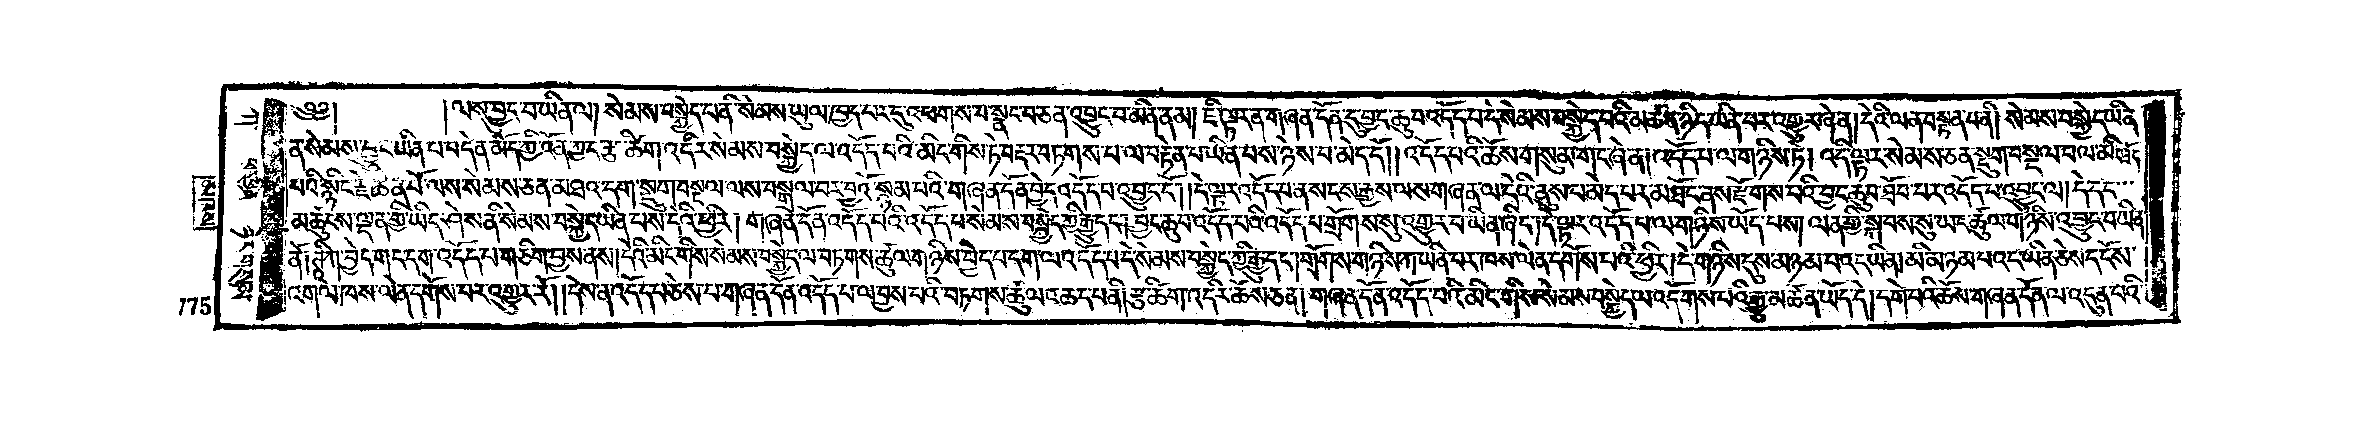༄༅། །ལས་བྱུང་བ་ཡིན་ལ། སེམས་བསྐྱེད་པ་ནི་སེམས་ཡུལ་ཁྱད་པར་དུ་འཕགས་པ་སྣང་བ་ཅན་འབྱུང་བ་མིན་ནམ། ཇི་ལྟར་ན་གཞན་དོན་དུ་བྱང་ཆུབ་འདོད་པ་དེ་སེམས་བསྐྱེད་པའི་མཚན་ཉིད་ཡིན་པར་འགྱུར་ཞེ་ན། དེའི་ལན་བསྟན་པ་ནི། སེམས་བསྐྱེད་ཡིན་
ན་སེམས་བྱུང་ཡིན་པ་བདེན་མོད་ཀྱི་འོན་ཀྱང་རྩ་ཚིག་འདིར་སེམས་བསྐྱེད་ལ་འདོད་པའི་མིང་གིས་ཏེ་བརྡར་བཏགས་པ་ལ་བརྟེན་པ་ཡིན་པས་ཉེས་པ་མེད་དོ། །འདོད་པའི་ཆོས་གསུམ་གང་ཞེ་ན། འདོད་པ་ལ་གཉིས་ཏེ། འདི་ལྟར་སེམས་ཅན་སྡུག་བསྔལ་བ་ལ་མི་བཟོད་
པའི་སྙིང་རྗེ་ཆེན་པོ་ལས་སེམས་ཅན་མཐའ་དག་སྡུག་བསྔལ་ལས་བསྒྲལ་བར་བྱའོ་སྙམ་པའི་གཞན་དོན་བྱེད་འདོད་པ་འབྱུང་ངོ། །དེ་ལྟར་འདོད་པ་ན་སངས་རྒྱས་ལས་གཞན་ལ་དེའི་ནུས་པ་མེད་པར་མཐོང་ནས་རྫོགས་པའི་བྱང་ཆུབ་ཐོབ་པར་འདོད་པ་འབྱུང་ལ། དེ་དང་
མཚུངས་ལྡན་གྱི་ཡིད་ཤེས་ནི་སེམས་བསྐྱེད་ཡིན་པས་དེའི་ཕྱིར། གཞན་དོན་འདོད་པའི་འདོད་པ་སེམས་བསྐྱེད་ཀྱི་རྒྱུ་དང་། བྱང་ཆུབ་འདོད་པའི་འདོད་པ་གྲོགས་སུ་འགྱུར་བ་ཡིན་ཞིང་། དེ་ལྟར་འདོད་པ་ལ་གཉིས་ཡོད་པས། ལན་གྱི་སྐབས་སུ་ཡང་ཚུལ་གཉིས་འབྱུང་བ་ཡིན་
ནོ། ཊཱིཀ་བྱེད་གང་དག་འདོད་པ་གཅིག་བྱས་ནས། དེའི་མིང་གིས་སེམས་བསྐྱེད་ལ་བཏགས་ཚུལ་གཉིས་བྱེད་པ་དག་ལ་འདོད་པ་དེ་སེམས་བསྐྱེད་ཀྱི་རྒྱུ་དང་། གྲོགས་གཉིས་ཀ་ཡིན་པར་ཁས་ལེན་དགོས་པའི་ཕྱིར། དེ་གཉིས་དུས་མཉམ་པའང་ཡིན། མི་མཉམ་པའང་ཡིན་ཅེས་དངོས་
འགལ་ཁས་ལེན་དགོས་པར་འགྱུར་རོ། །དེས་ན་འདོད་པ་ཅེས་པ་གཞན་དོན་འདོད་པ་ལ་བྱས་པའི་བཏགས་ཚུལ་འཆད་པ་ནི། རྩ་ཚིག་འདིར་ཆོས་ཅན། གཞན་དོན་འདོད་པའི་མིང་གིས་སེམས་བསྐྱེད་ལ་འདོགས་པའི་རྒྱུ་མཚན་ཡོད་དེ། དགེ་བའི་ཆོས་གཞན་དོན་ལ་འདུན་པའི་